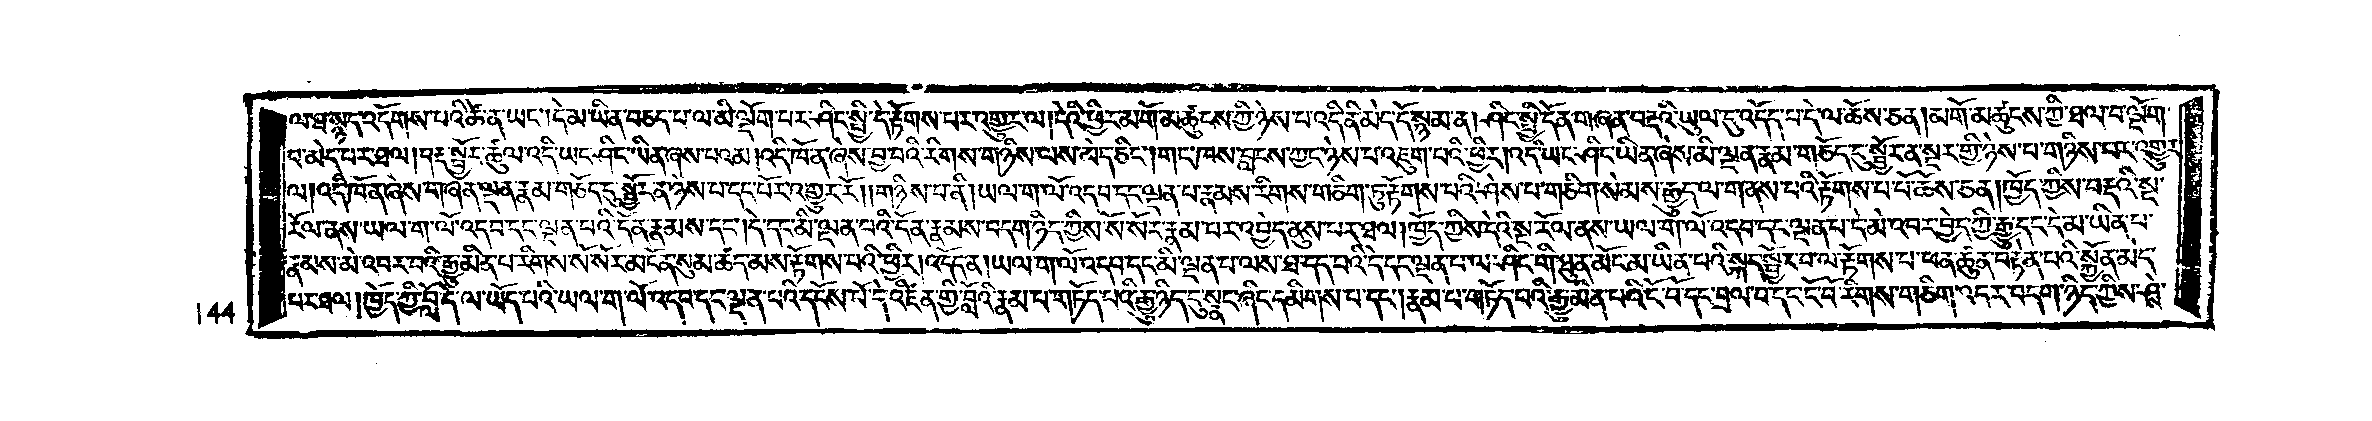ལ་ཐ་སྙད་འདོགས་པའི་ཚེ་ན་ཡང་། དེ་མ་ཡིན་བཅད་པ་ལ་མི་ལྡོག་པར་ཤིང་སྤྱི་དེ་རྟོགས་པར་འགྱུར་ལ། དེའི་ཕྱིར་མགོ་མཚུངས་ཀྱི་ཉེས་པ་འདི་ནི་མེད་དོ་སྙམ་ན། ཤིང་སྤྱི་དོན་གཞན་བརྡའི་ཡུལ་དུ་འདོད་པ་དེ་ལ་ཆོས་ཅན། མགོ་མཚུངས་ཀྱི་ཐལ་བ་ལྡོག་
པ་མེད་པར་ཐལ། བརྡ་སྦྱོར་ཚུལ་འདི་ཡང་ཤིང་ཡིན་ཞེས་པའམ། འདི་ཁོ་ན་ཞེས་བྱ་བའི་རིགས་གཉིས་ལས་མེད་ཅིང་། གང་ཁས་བླངས་ཀྱང་ཉེས་པ་འཇུག་པའི་ཕྱིར། འདི་ཡང་ཤིང་ཡིན་ཞེས་མི་ལྡན་རྣམ་གཅོད་དུ་སྦྱོར་ན་སྔར་གྱི་ཉེས་པ་གཉིས་པར་འགྱུར་
ལ། འདི་ཁོ་ན་ཞེས་གཞན་ལྡན་རྣམ་གཅོད་དུ་སྦྱོར་ན་ཉེས་པ་དང་པོར་འགྱུར་རོ། །གཉིས་པ་ནི། ཡལ་ག་ལོ་འདབ་དང་ལྡན་པ་རྣམས་རིགས་གཅིག་ཏུ་རྟོགས་པའི་ཤེས་པ་གཅིག་སེམས་རྒྱུད་ལ་གནས་པའི་རྟོགས་པ་པོ་ཆོས་ཅན། ཁྱོད་ཀྱིས་བརྡའི་སྔ་
རོལ་ནས་ཡལ་ག་ལོ་འདབ་དང་ལྡན་པའི་དོན་རྣམས་དང་། དེ་དང་མི་ལྡན་པའི་དོན་རྣམས་བདག་ཉིད་ཀྱིས་སོ་སོར་རྣམ་པར་འབྱེད་ནུས་པར་ཐལ། ཁྱོད་ཀྱིས་དེའི་སྔ་རོལ་ནས་ཡལ་ག་ལོ་འདབ་དང་ལྡན་པ་དེ་མེ་འབར་བྱེད་ཀྱི་རྒྱུ་དང་དེ་མ་ཡིན་པ་
རྣམས་མེ་འབར་བའི་རྒྱུ་མིན་པ་རིགས་སོ་སོར་མངོན་སུམ་ཚད་མས་རྟོགས་པའི་ཕྱིར། འདོད་ན། ཡལ་ག་ལོ་འདབ་དང་མི་ལྡན་པ་ལས་ཐ་དད་པའི་དེ་དང་ལྡན་པ་ལ་ཤིང་གི་ཐུན་མོང་མ་ཡིན་པའི་སྐད་སྦྱོར་བ་ལ་རྟོགས་པ་ཕན་ཚུན་བརྟེན་པའི་སྐྱོན་མེད་
པར་ཐལ། ཁྱོད་ཀྱི་བློ་དེ་ལ་ཡོད་པའི་ཡལ་ག་ལོ་འདབ་དང་ལྡན་པའི་དངོས་པོ་དེ་འཛིན་གྱི་བློའི་རྣམ་པ་གཏོད་པའི་རྒྱུ་ཉིད་དུ་སྣང་ཞིང་དམིགས་པ་དང་། རྣམ་པ་གཏོད་པའི་རྒྱུ་མིན་པའི་ངོ་བོ་དང་བྲལ་བ་དང་ངོ་བོ་རིགས་གཅིག་འདིར་བདག་ཉིད་ཀྱིས་ཤེས་